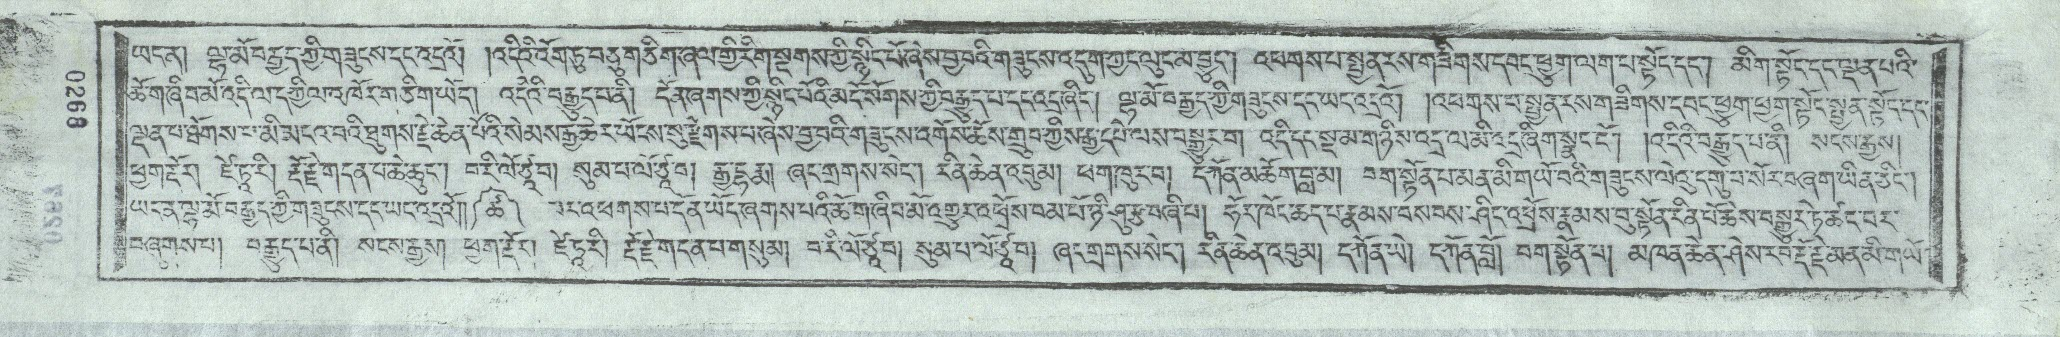ཡང་ན། ལྷ་མོ་བརྒྱད་ཀྱི་གཟུངས་དང་འདྲའོ། །འདིའི་འོག་ཏུ་བཅུ་གཅིག་ཞལ་གྱི་རིག་སྔགས་ཀྱི་སྙིང་པོ་ཞེས་བྱ་བའི་གཟུངས་འདུག་ཀྱང་ལུང་མ་བྱུང་། འཕགས་པ་སྤྱན་རས་གཟིགས་དབང་ཕྱུག་ལག་པ་སྟོང་དང་། མིག་སྟོང་དང་ལྡན་པའི་
ཆོ་ག་ཞིབ་མོ་འདི་ལ་དཀྱིལ་འཁོར་གཅིག་ཡོད། འདིའི་བརྒྱུད་པ་ནི། དོན་ཞགས་ཀྱི་སྙིང་པོའི་མདོ་སོགས་ཀྱི་བརྒྱུད་པ་དང་འདྲ་ཞིང་། ལྷ་མོ་བརྒྱད་ཀྱི་གཟུངས་དང་ཡང་འདྲའོ། །འཕགས་པ་སྤྱན་རས་གཟིགས་དབང་ཕྱུག་ཕྱག་སྟོང་སྤྱན་སྟོང་དང་
ལྡན་པ་ཐོགས་པ་མི་མངའ་བའི་ཐུགས་རྗེ་ཆེན་པོའི་སེམས་རྒྱ་ཆེར་ཡོངས་སུ་རྫོགས་པ་ཞེས་བྱ་བའི་གཟུངས་འགོས་ཆོས་གྲུབ་ཀྱིས་རྒྱ་དཔེ་ལས་བསྒྱུར་བ། འདི་དང་སྔ་མ་གཉིས་འདྲ་ལ་མི་འདྲ་ཞིག་སྣང་ངོ། །འདིའི་བརྒྱུད་པ་ནི། སངས་རྒྱས།
ཕྱག་རྡོར། ཛེ་ཏཱ་རི། རྡོ་རྗེ་གདན་པ་ཆེ་ཆུང་། བ་རི་ལོ་ཙཱ་བ། སུམ་པ་ལོ་ཙཱ་བ། རྒྱ་དྷརྨ། ཞང་གྲགས་སེང་། རིན་ཆེན་འབུམ། ཕག་ཁུར་བ། དཀོན་མཆོག་བླ་མ། བག་སྟོན་པ་མན་མི་གཡོ་བའི་གཟུངས་ལེའུ་དགུ་པ་སོར་བཞག་ཡིན་ཅིང་།
ཡང་ན་ལྷ་མོ་བརྒྱད་ཀྱི་གཟུངས་དང་ཡང་འདྲའོ། {ཚ}་པར་འཕགས་པ་དོན་ཡོད་ཞགས་པའི་ཆོ་གཞི་བ་མོ་འགྱུར་འཕྲོས་བམ་པོ་ཉི་ཤུ་རྩ་བཞི་པ། ཧོར་ཁོང་ཆད་པ་རྣམས་བས་བས་ཤིང་འཕྲོས་རྣམས་བུ་སྟོན་རིན་པོ་ཆེས་བསྒྱུར་ཏེ་ཚང་བར་
བཞུགས་པ། བརྒྱུད་པ་ནི། སངས་རྒྱས། ཕྱག་རྡོར། ཛེ་ཏཱ་རི། རྡོ་རྗེ་གདན་པ་གསུམ། བ་རི་ལོ་ཙཱ་བ། སུམ་པ་ལོ་ཙཱ་བ། ཞང་གྲགས་སེང་། རིན་ཆེན་འབུམ། དཀོན་ཡེ། དཀོན་བློ། བག་སྟོན་པ། མཁན་ཆེན་ཤེས་རབ་རྡོ་རྗེ་མན་མི་གཡོ་